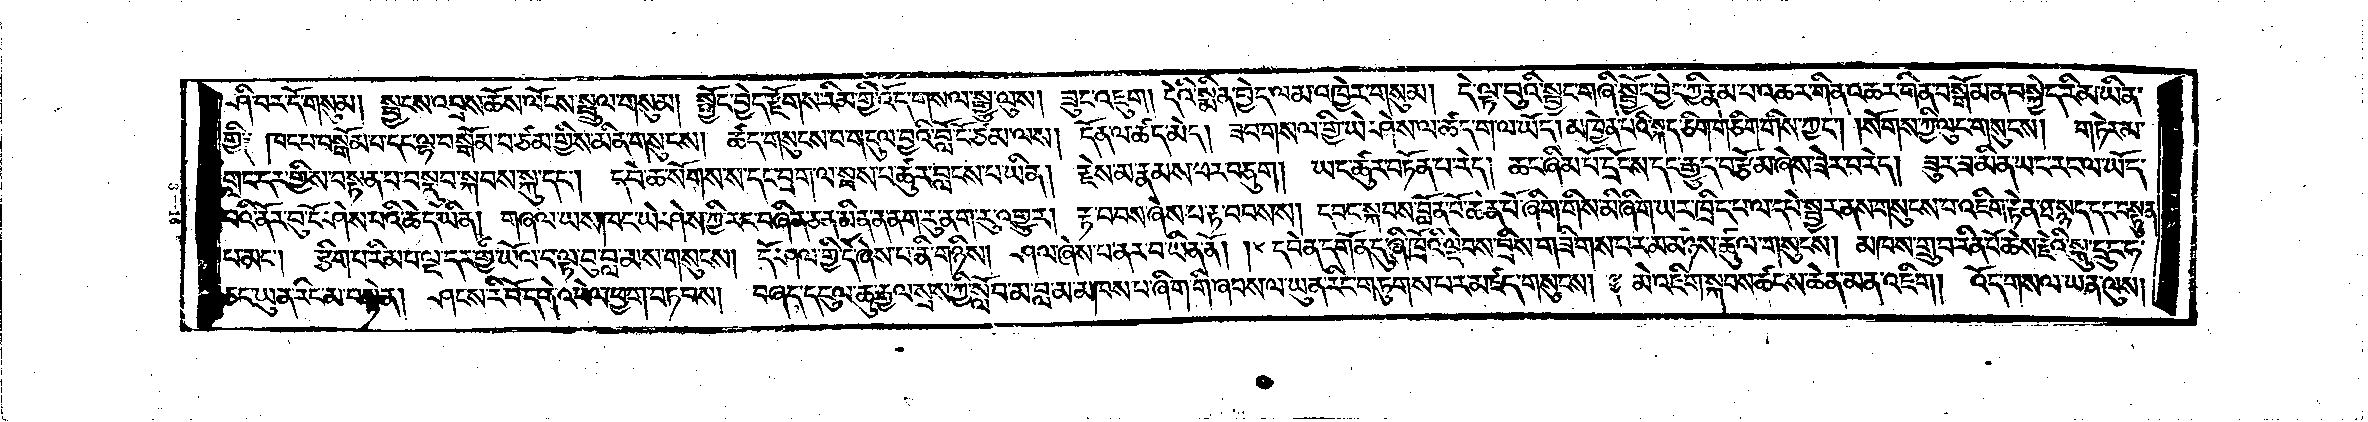ཤི་བར་དོ་གསུམ། སྦྱངས་འབྲས་ཆོས་ལོངས་སྦྲུལ་གསུམ་སྦྱོང་བྱེད་རྫོགས་རིམ་གྱི་འོད་གསལ་སྒྱུ་ལུས། ཟུང་འཇུག། དེའི་སྨིན་བྱེད་ལམ་འཁྱེར་གསུམ། དེ་ལྟ་བུའི་སྦྱང་གཞི་སྦྱོང་བྱེད་ཀྱི་རྣམ་པ་འཆར་གིན་འཆར་གིན་བསྒོམ་ན་བསྐྱེད་རིམ་ཡིན་
གྱི༑ ཁང་པ་བསྒོམ་པ་དང་ལྷ་བསྒོམ་པ་ཙམ་གྱིས་མིན་གསུངས། ཚད་གསུངས་པ་གདུལ་བྱའི་བློ་ངོ་ཙམ་ལས། དོན་ལ་ཚད་མེད། ཟབ་གསལ་གྱི་ཡེ་ཤེས་ལ་ཚད་ག་ལ་ཡོད། མཁྱེན་པའི་སྐད་ཅིག་གཅིག་གིས་ཀྱང་། །སོགས་ཀྱི་ལུང་གསུངས། གཏེར་མ་
གླང་དར་གྱིས་བསྟན་པ་བསྣུབ་སྐབས་སྐུ་དང་། དཔེ་ཆ་སོགས་ས་དང་བྲག་ལ་སྦས་པ་ཚུར་བླངས་པ་ཡིན། རྗེས་མ་རྣམས་ཕར་བཅུག། ཡང་ཚུར་བཏོན་པ་རེད། ཆང་ཞིམ་པོ་དྲོངས་དང་རྒྱུད་བརྩོམ་ཞེས་ཟེར་བ་རེད། ཟུར་ཟ་མིན་ཡང་རང་ལ་ཡོད་
བའི་ནོར་བུ་ངོ་ཤེས་པའི་ཆེད་ཡིན། གཞལ་ཡས་ཁང་ཡེ་ཤེས་ཀྱི་རང་བཞིན་ཅན་མིན་ན་ནག་རུ་ནག་རུ་འགྱུར། རྟ་བབས་ཞེས་པ་རྟ་བབས་ས། དབང་སྐབས་བློན་པོ་ཆེན་པོ་ཞིག་གིས་མི་ཞིག་ཡར་ཁྲིད་པ་ལ་དཔེ་སྦྱར་ནས་གསུངས་པ་འཇིག་རྟེན་ཐ་སྙད་དང་བསྟུན་
པ་མང་། རྩིག་པ་རིམ་པ་ལྔ་དར་གྱི་ཡོལ་བ་ལྟ་བུ་བླ་མས་གསུངས། དོ་ཤལ་གྱི་དོ་ཞེས་པ་ནི་གཉིས། ཤལ་ཞེས་པ་ནར་བ་ཡིན་ནོ། །྾་དབེན་དགོན་དུ་ཞི་ཁྲོའི་ལྡེབས་བྲིས་གཟིགས་པར་མ་མཉེས་ཚུལ་གསུངས། མཁས་གྲུབ་རིན་པོ་ཆེས་རྗེའི་སྐུ་དྲུང་ཧ་
ཅང་ཡུན་རིང་མ་བསྟེན། ཤངས་རི་བོ་དགེ་འཕེལ་ཕྱག་བཏབས། བཞད་དངུལ་ཆུ་རྒྱལ་སྲས་ཀྱི་སློབ་མ་བླ་མ་མཁས་པ་ཞིག་གི་ཞབས་ལ་ཡུན་རིང་གཏུགས་པར་མཛད་གསུངས། ༈ མེ་འཇིག་སྐབས་ཚང་ས་ཆེན་མན་འཇིག། འོད་གསལ་ཡན་ལུས།